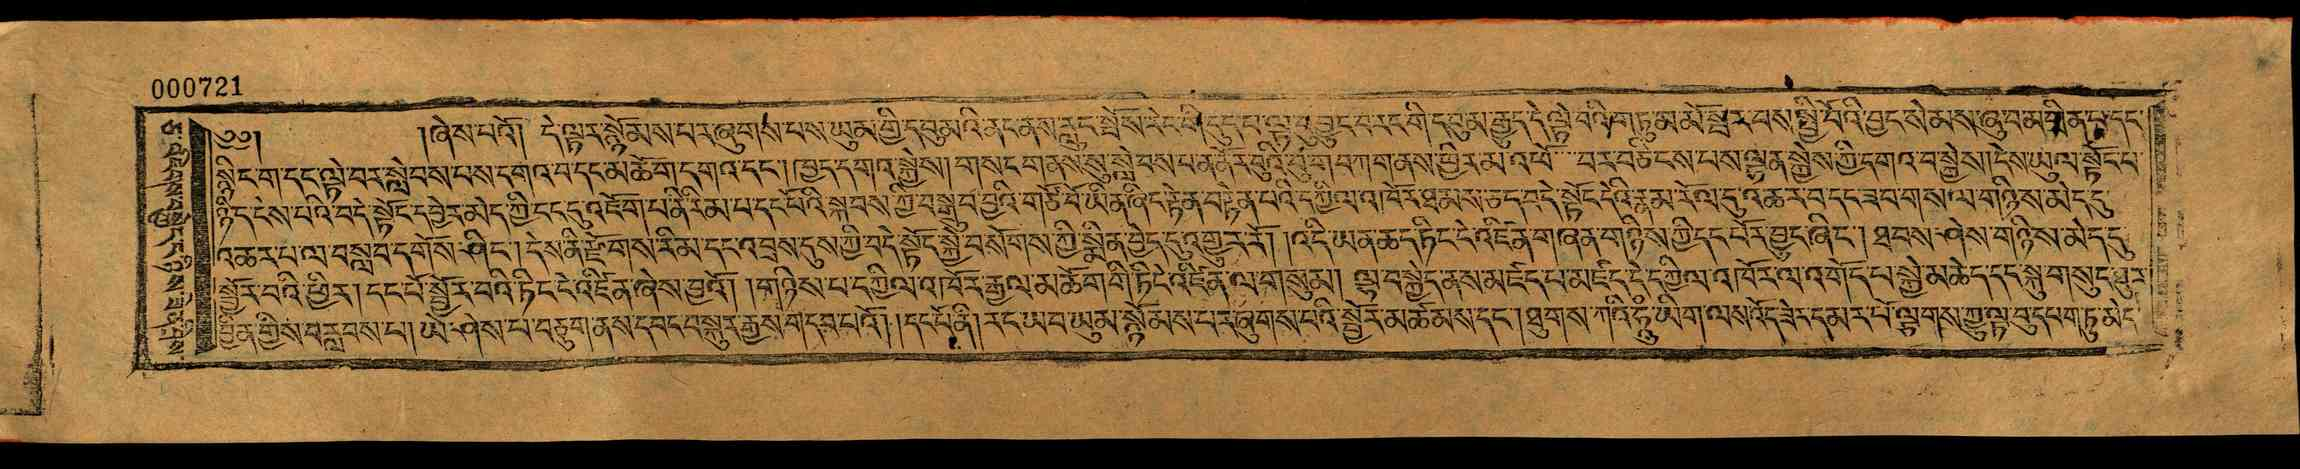༄༅། །ཞེས་པའོ། དེ་ལྟར་སྙོམས་པར་ཞུགས་པས་ཡུམ་གྱི་དབུ་མའི་ནང་ནས་རླུང་སྤོས་རེང་གི་དུད་པ་ལྟ་བུ་བྱུང་བ་རང་གི་དབུ་མ་རྒྱུད་དེ་ལྟེ་བའི་གཏུམ་མོ་སྦར་བས་སྤྱི་བོའི་བྱང་སེམས་ཞུ་བ་མགྲིན་པ་དང་
སྙིང་ག་དང་ལྟེ་བར་སླེབས་པས་དགའ་བ་དང་མཆོག་དགའ་དང་། ཁྱད་དགའ་སྐྱེས། གསང་གནས་སུ་སླེབས་པ་ན་ནོར་བུའི་བུ་ག་བཀག་ནས་ཕྱིར་མ་འཕོ་བར་བཅིངས་པས་ལྷན་སྐྱེས་ཀྱི་དགའ་བ་སྐྱེས་།དེས་ཡུལ་སྟོང་པ་
ཉིད་ངེས་པའི་བདེ་སྟོང་དབྱེར་མེད་ཀྱི་ངང་དུ་འཇོག་པ་ནི་རིམ་པ་དང་པོའི་སྐབས་ཀྱི་བསྒྲུབ་བྱའི་གཙོ་བོ་ཡིན་ཞིང་རྟེན་བརྟེན་པའི་དཀྱིལ་འཁོར་ཐམས་ཅད་བདེ་སྟོང་དེའི་རྣམ་རོལ་དུ་འཆར་བ་དང་ཟབ་གསལ་གཉིས་མེད་དུ་
འཆར་བ་ལ་བསླབ་དགོས་ཤིང་། དེས་ནི་རྫོགས་རིམ་དང་འབྲས་དུས་ཀྱི་བདེ་སྟོང་སྐྱེ་བ་སོགས་ཀྱི་སྨིན་བྱེད་དུ་འགྱུར་རོ། །འདི་ཡན་ཆད་ཏིང་ངེ་འཛིན་གཞན་གཉིས་ཀྱི་དང་པོར་བྱུང་ཞིང་།ཐབས་ཤེས་གཉིས་མེད་དུ་
སྦྱོར་བའི་ཕྱིར། དང་པོ་སྦྱོར་བའི་ཏིང་ངེ་འཛིན་ཞེས་བྱའོ། །གཉིས་པ་དཀྱིལ་འཁོར་རྒྱལ་མཆོག་གི་ཏིང་འཛིན་ལ་གསུམ། ལྷ་བསྐྱེད་ནས་མཛད་པ་མཛད་དེ་དཀྱིལ་འཁོར་ལ་འགོད་པ། སྐྱེ་མཆེད་དང་སྐུ་གསུང་ཐུཌ་
བྱིན་གྱིས་བརླབས་པ། ཡེ་ཤེས་པ་བཅུག་ནས་དབང་བསྐུར་རྒྱས་གདབ་པའོ། །དང་པོ་ནི། རང་ཡབ་ཡུམ་སྙོམས་པར་ཞུགས་པའི་སྦྱོར་མཚམས་དང་། ཐུགས་ཀའི་ཧཱུཾ་ཡིག་ལས་འོད་ཟེར་དམར་པོ་ལྕགས་ཀྱུ་ལྟ་བུ་དཔག་ཏུ་མེད་